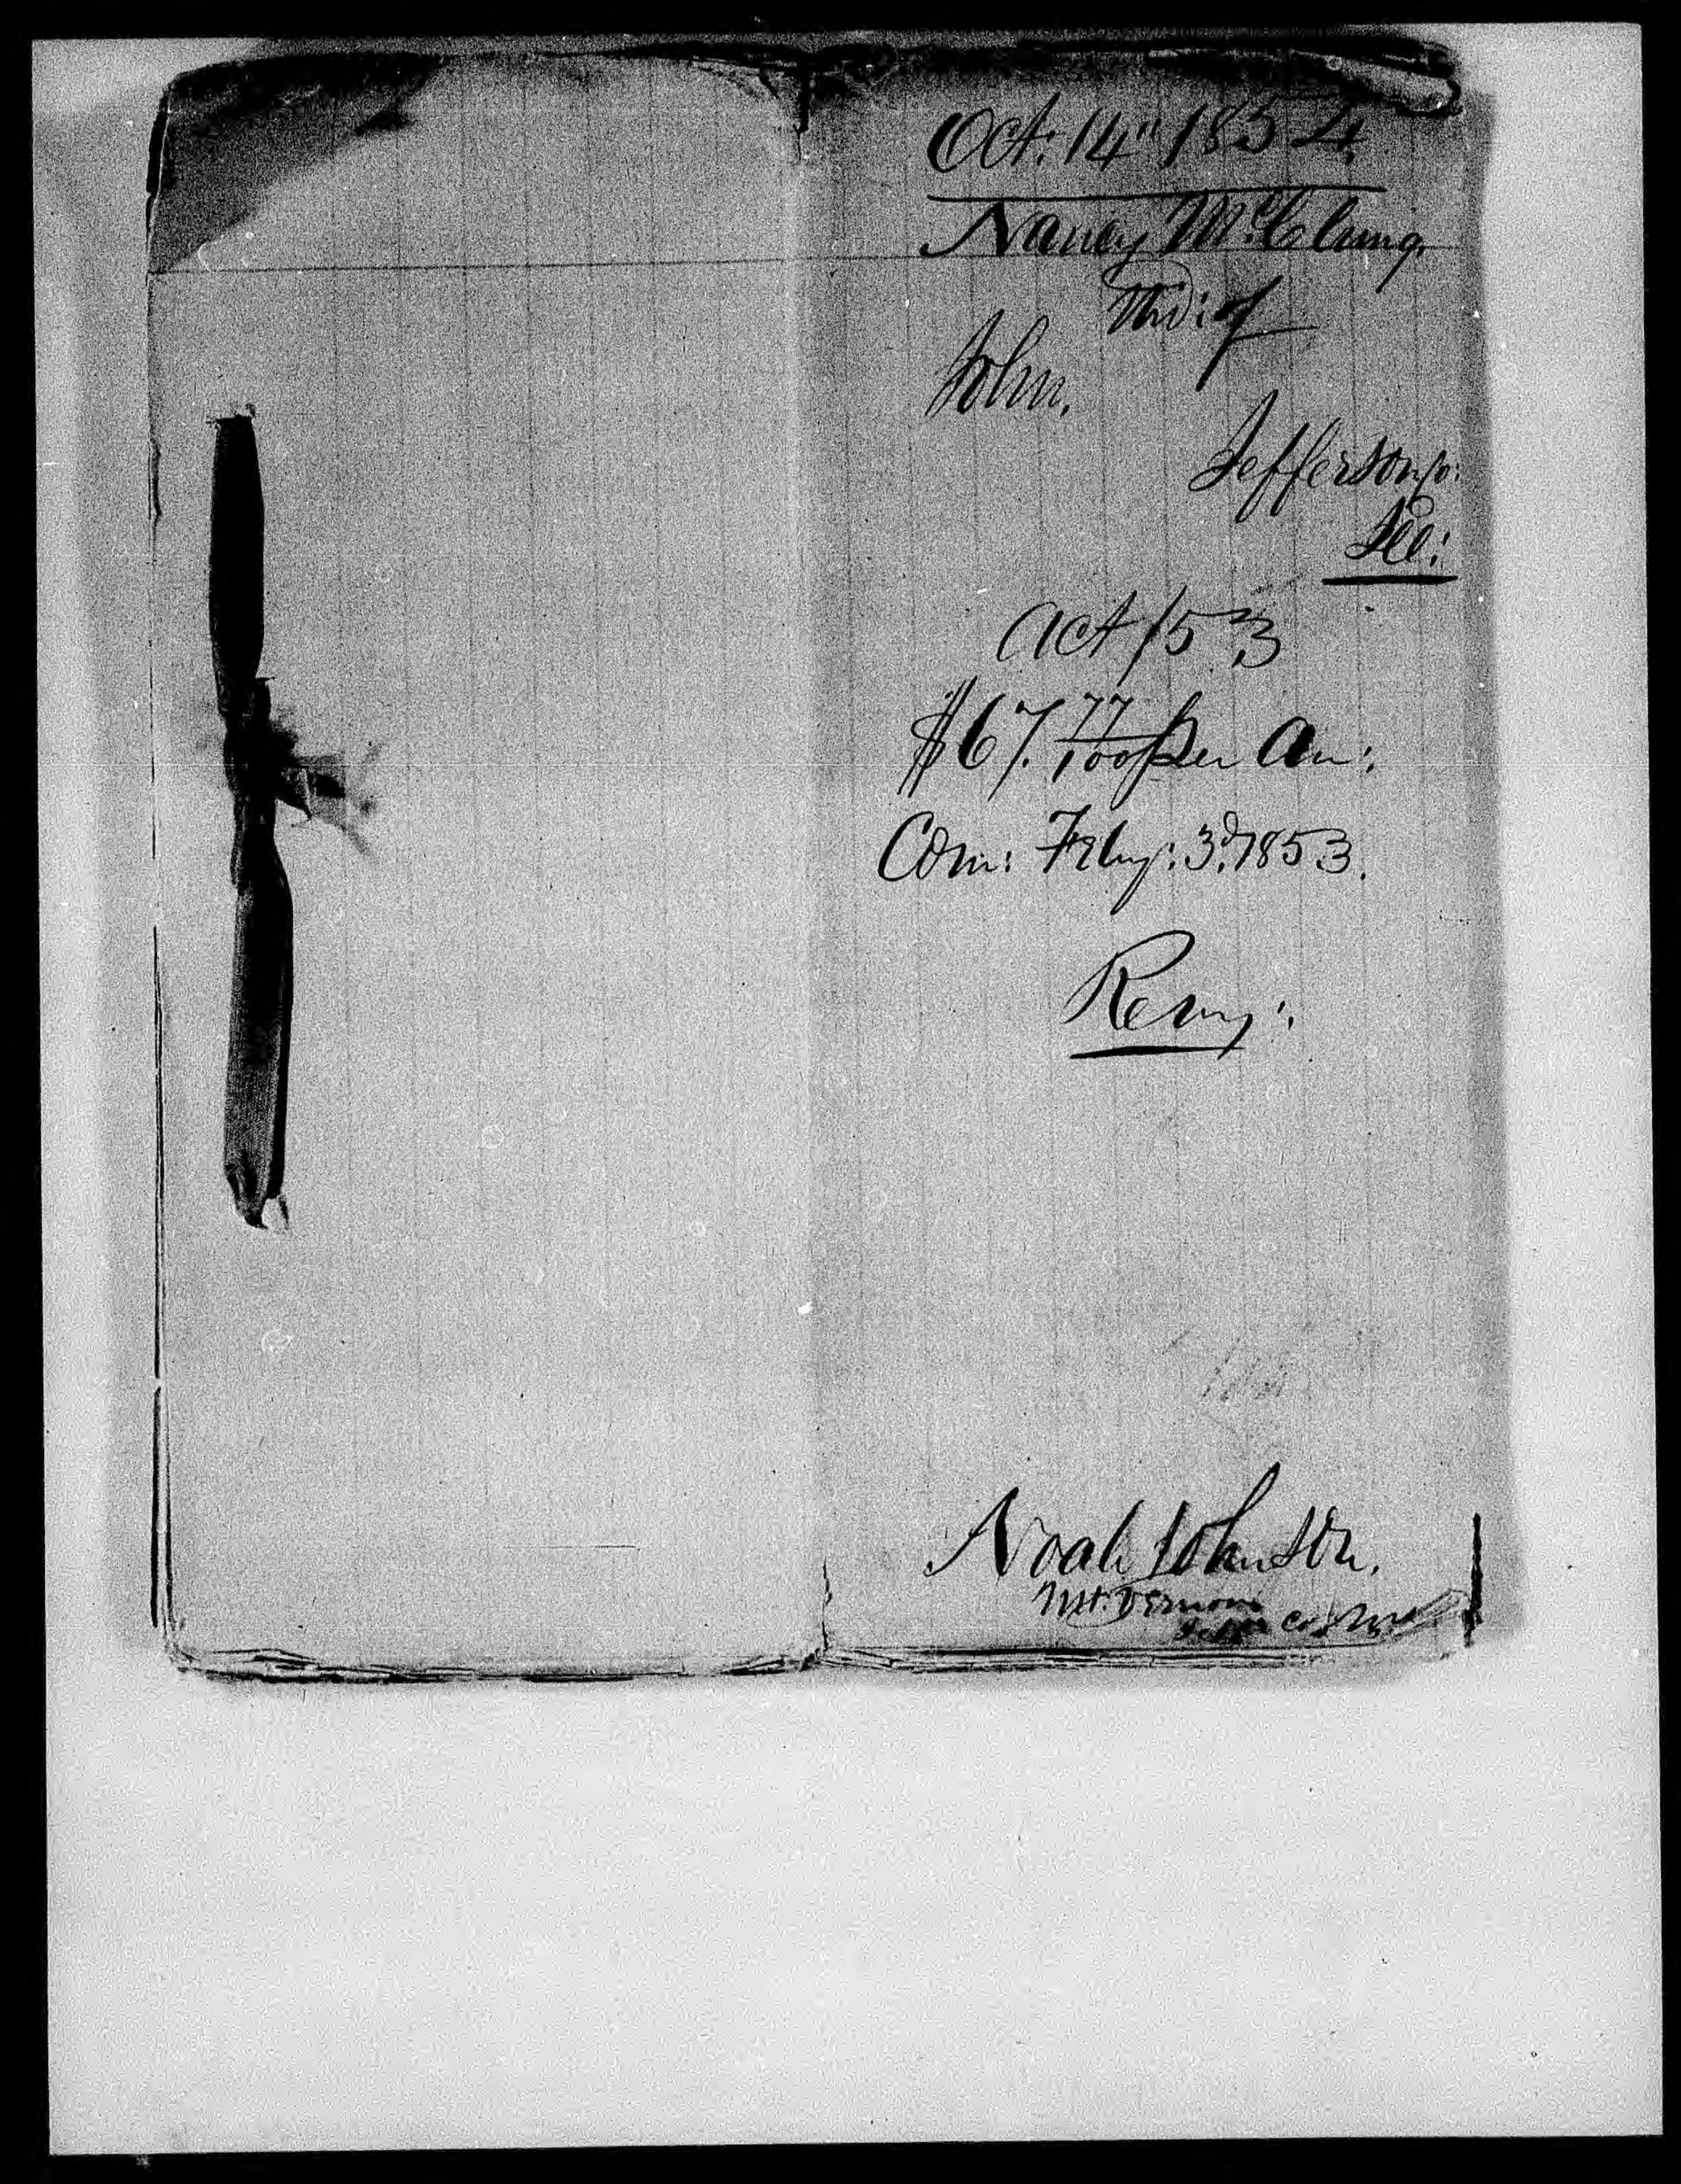Oct. 14" 1854.
_____________
Nancy McClung
______________
Wid: of
John.
Jefferson Co:
ILL:
______
Act  / 53
$67.77/100 Per An:
Com: Feby 3 1853.
Revy:
Noah Johnson.
Mt. Vernon
Jefferson Co 
[illegible]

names: Noah Johnson; John Mc Clung; Nancy Mc Clung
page: 25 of 115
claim: widow's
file: W. 1446, for John Mc Clung, South Carolina